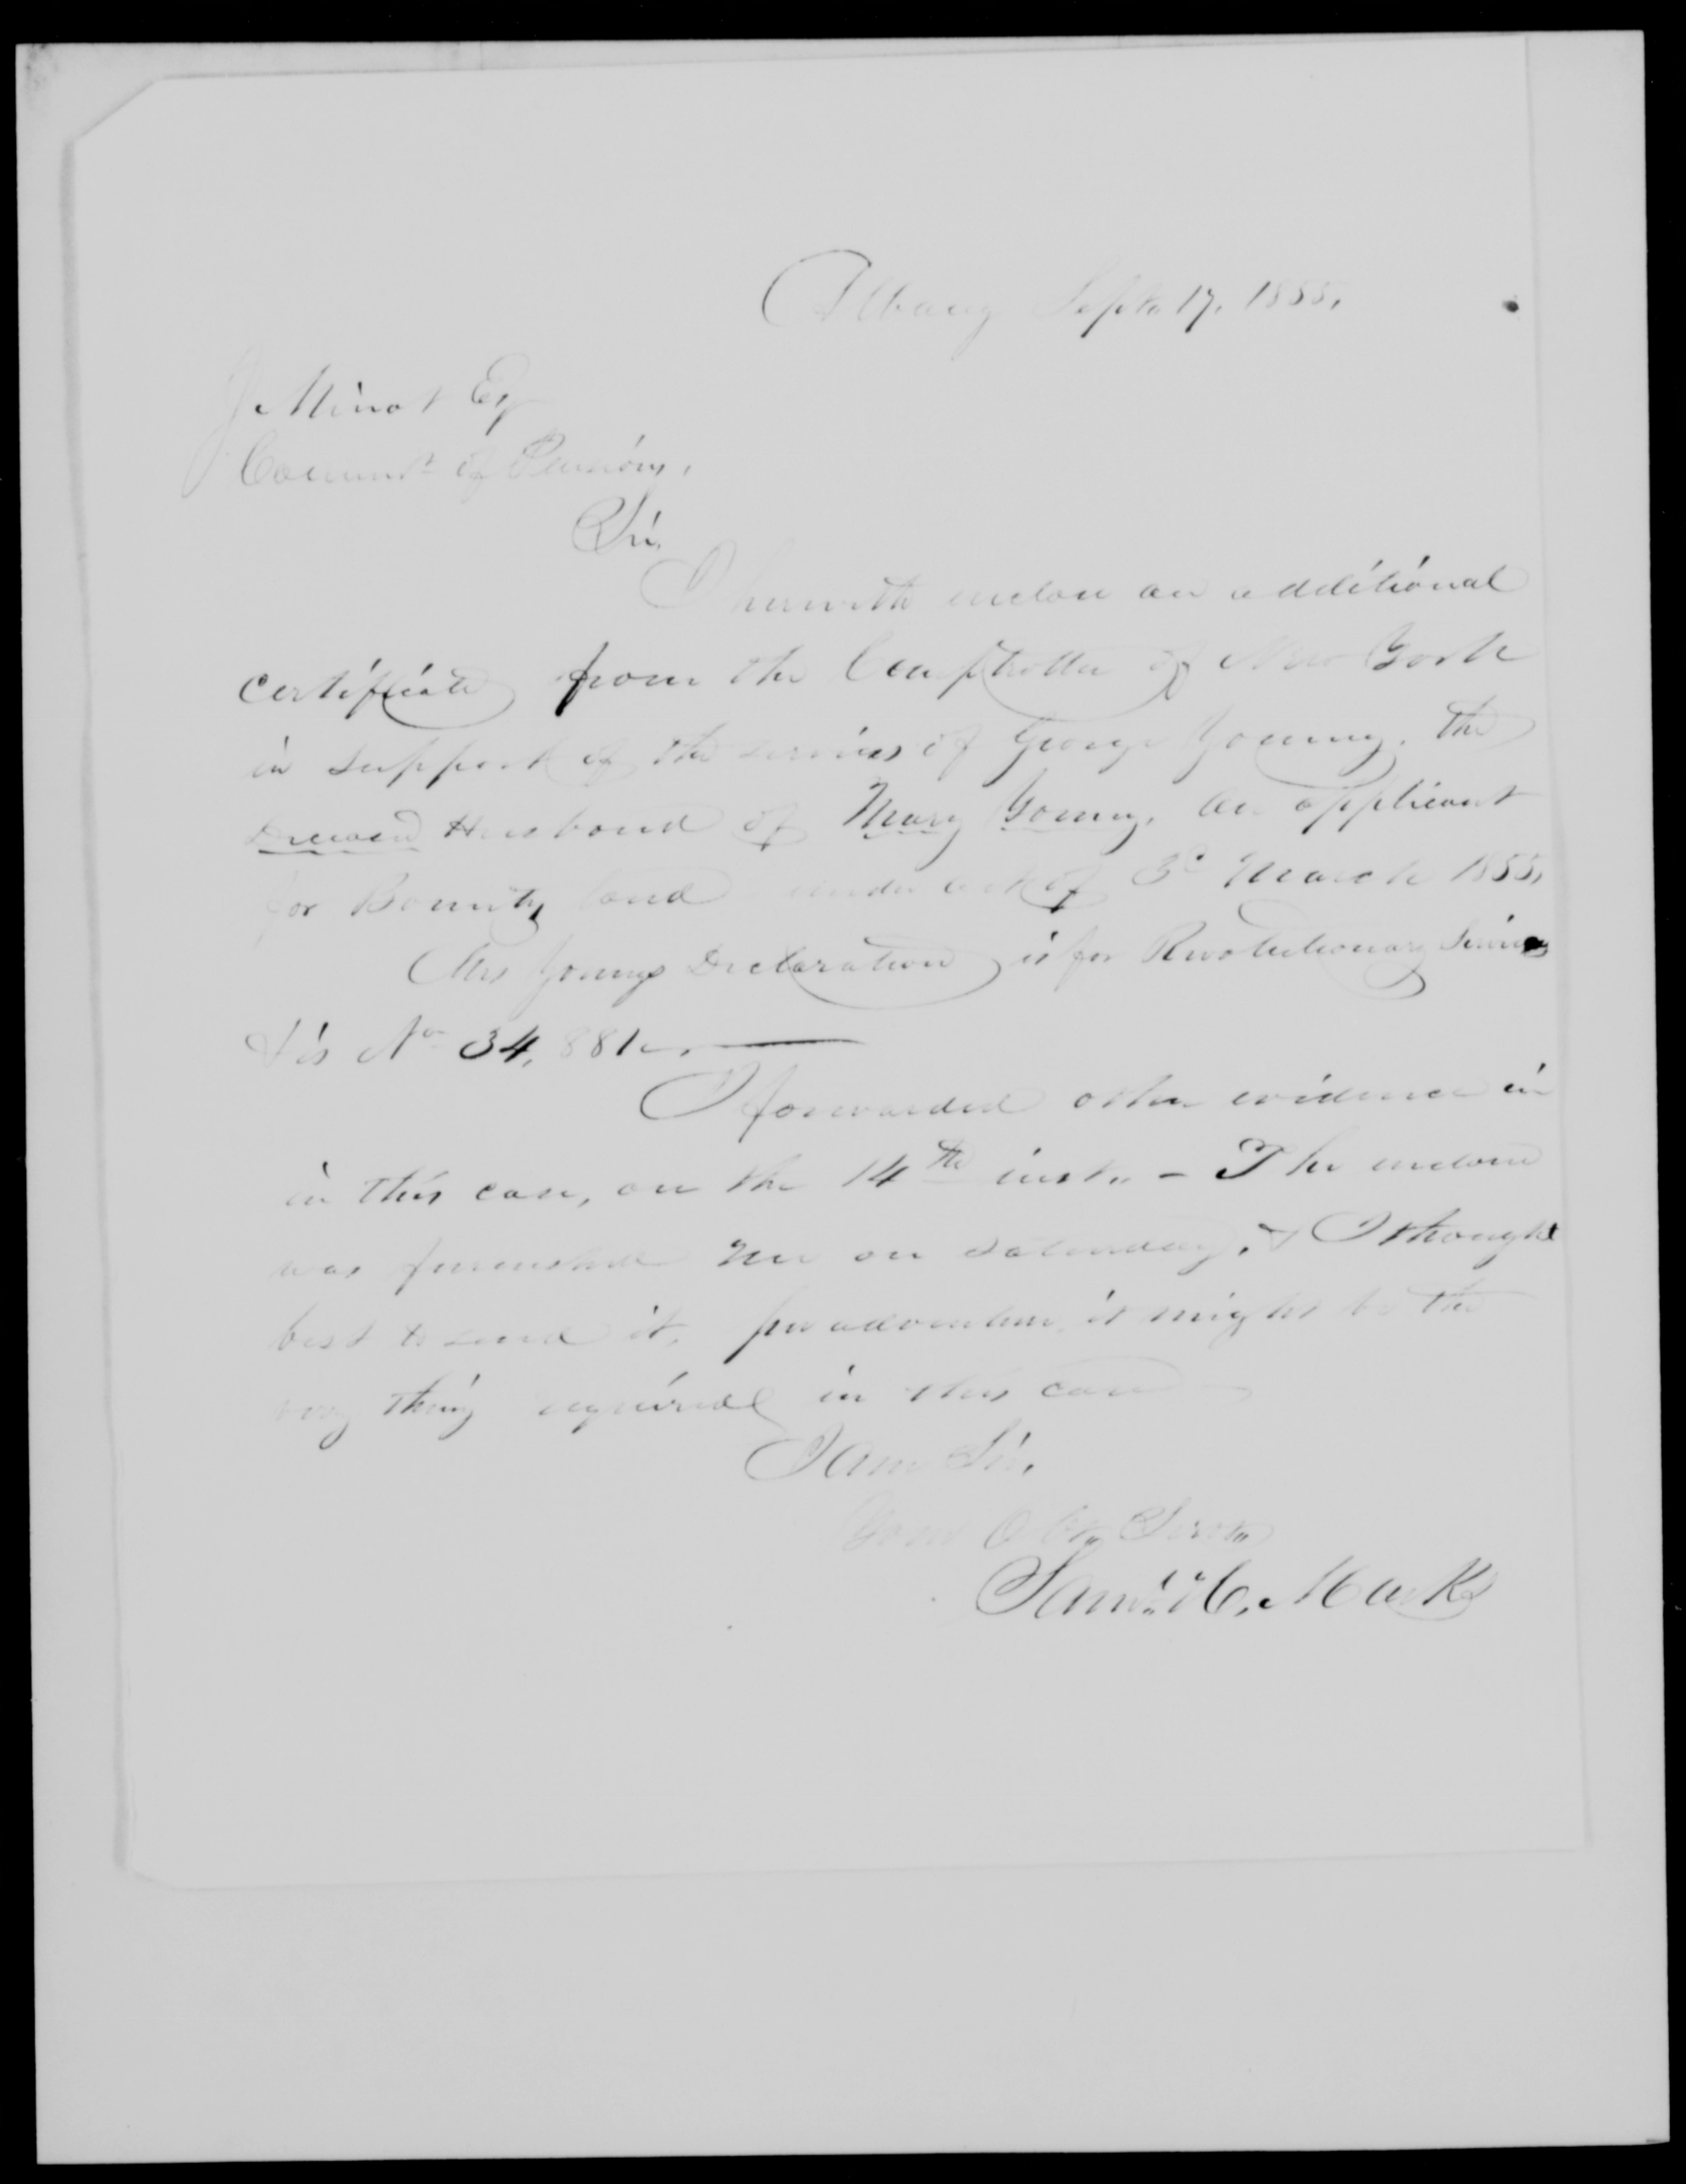Albany Sept, 17, 1835,
Minot Esq
County of Punby,
Sir:
herewith enclose an additional
certificate from theComptroller of New York
in support of the series of George Young; the ┃
Husband of Mary Young, an applicant
or County and under act of March 1855
this young declaration is for Revolutionary service
is No 34, 881
---
forwarded other evidence in
in this case, on the 14th inst. The widow
was informed by me on Saturday, & I thought
best to send it, per advantage it might be the
thing required in this case
Sam S
Obt Servt
Sam C. Marks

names: George Young, Mary Gomez, Saml H Heath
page: 63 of 67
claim: widow's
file: W. 7379, George Young, New Jersey